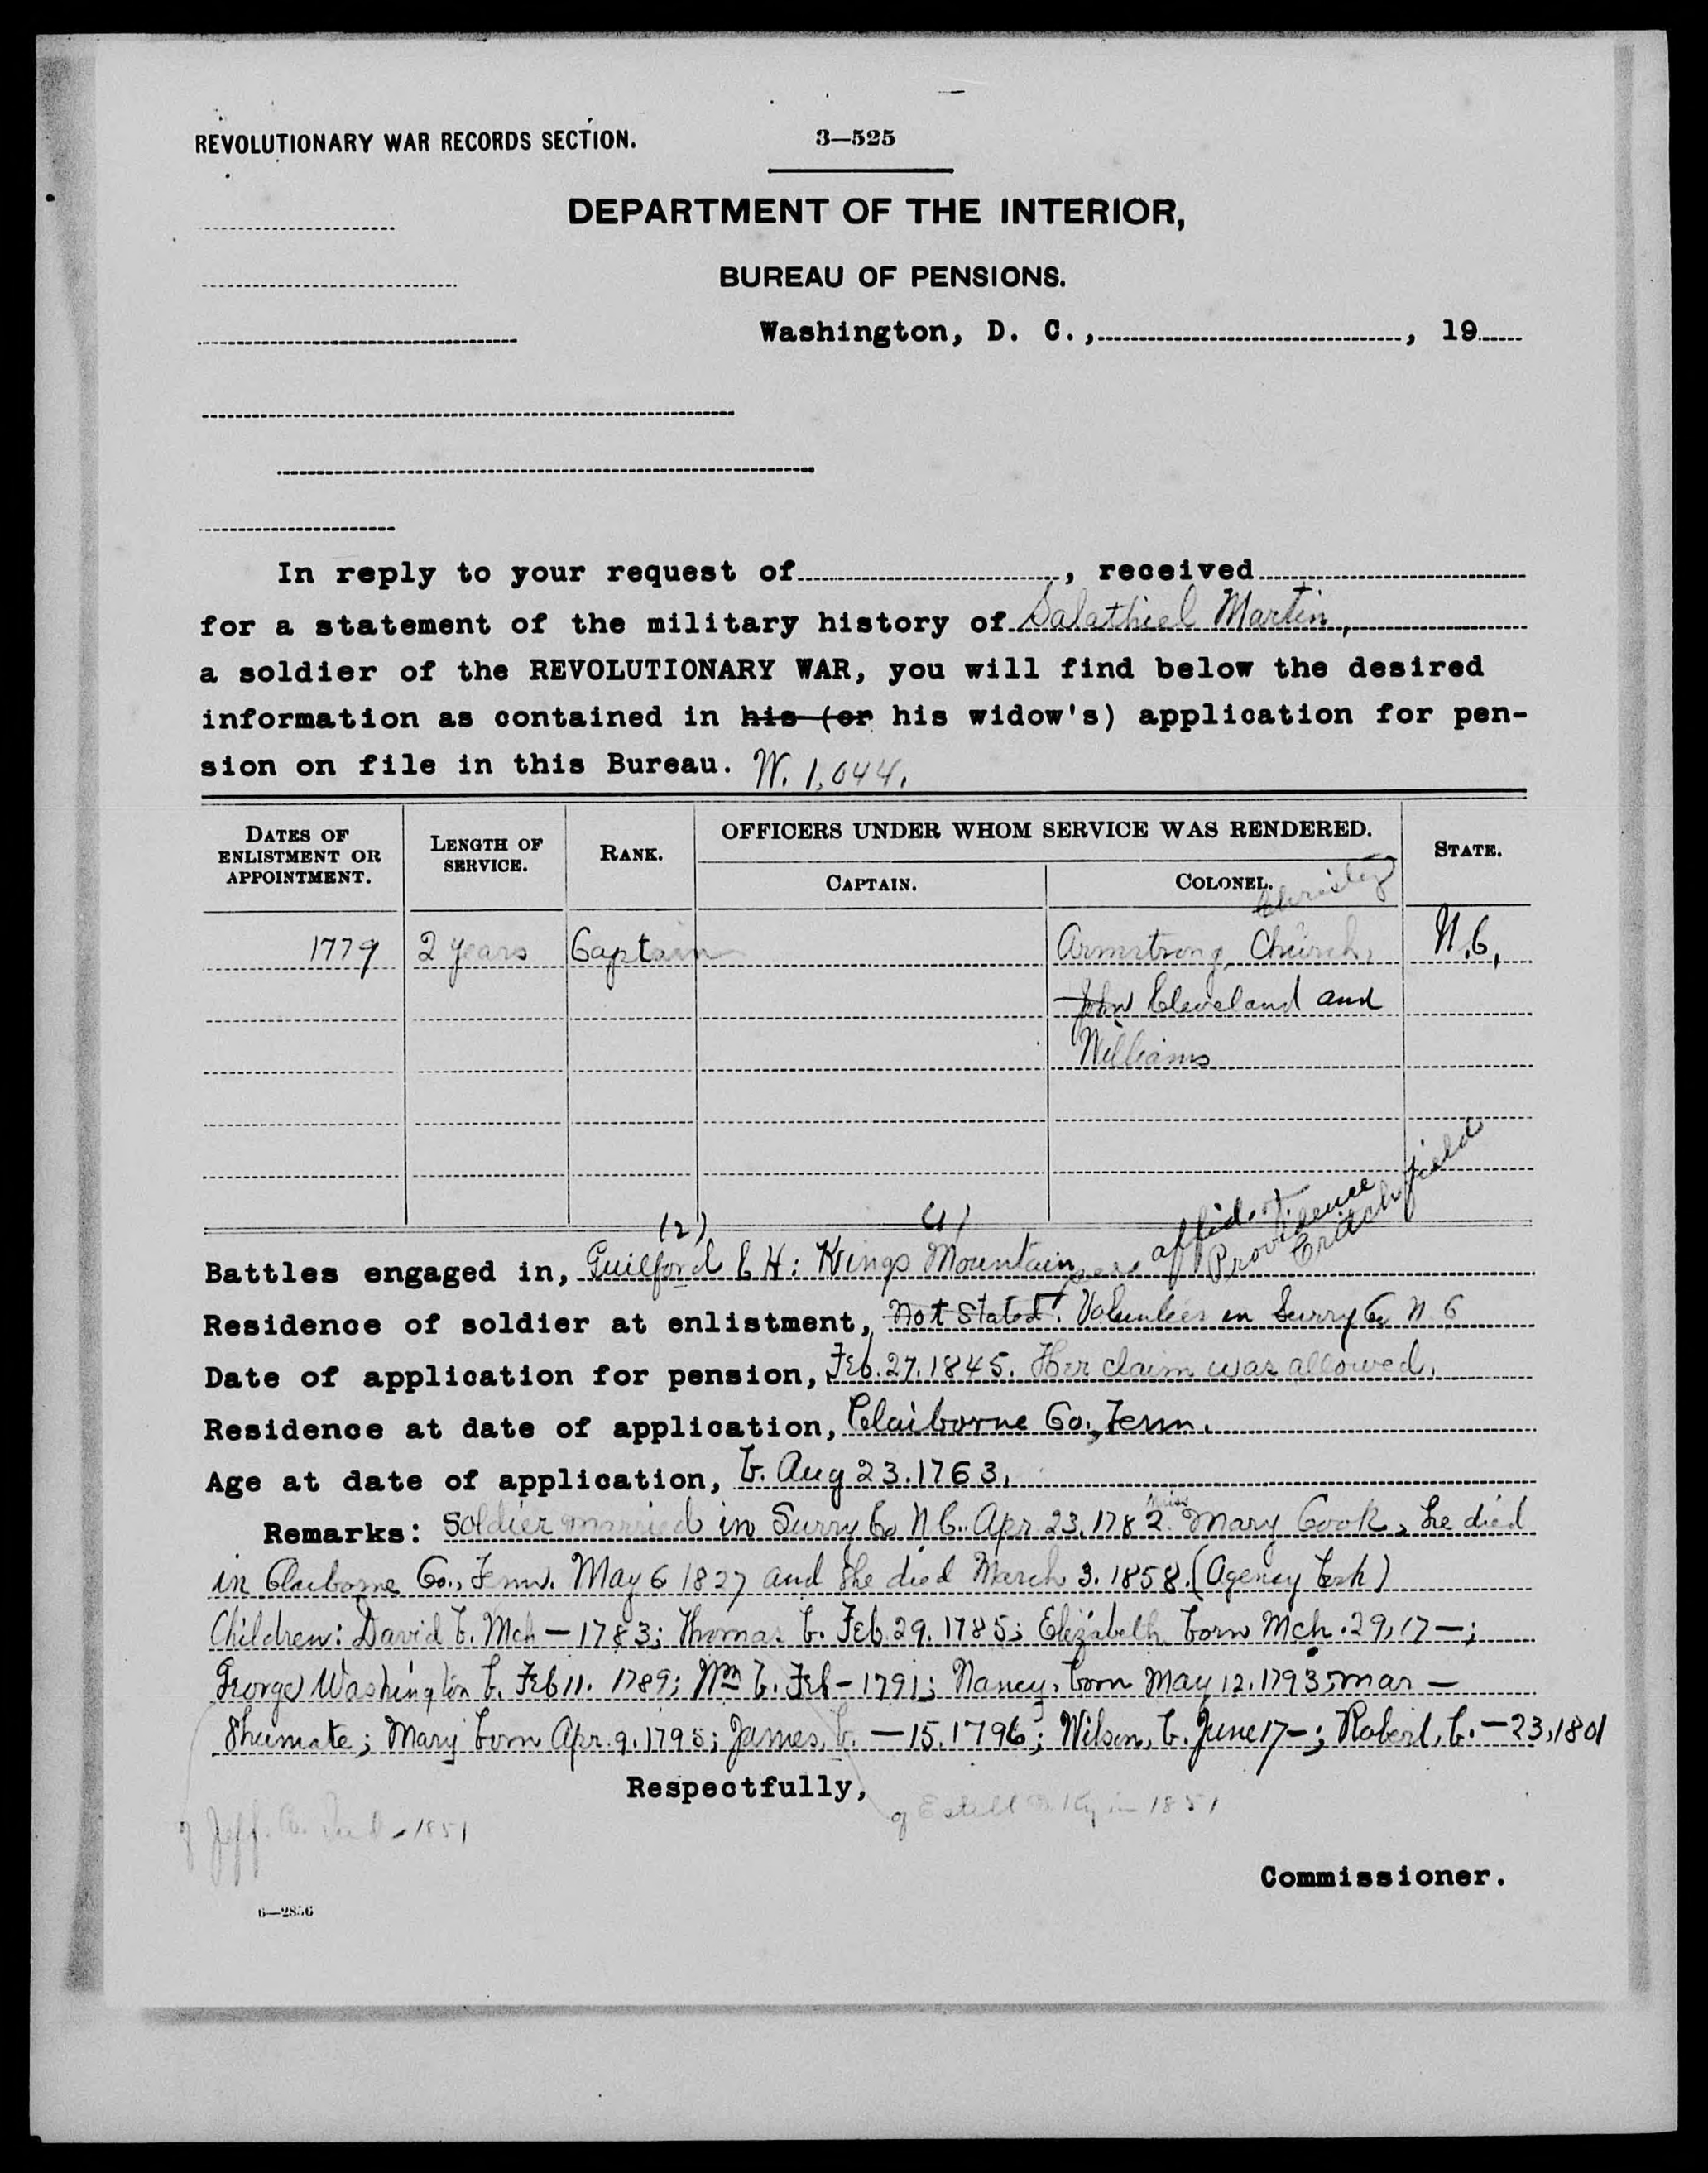[typed form, handwritten responses]
REVOLUTIONARY WAR RECORDS SECTION.
3-525
DEPARTMENT OF INTERIOR,
BUREAU OF PENSIONS.
Washington, D. C., [blank], 19 {blank]
In reply to your request of [blank], received [blank]
for a statement of the military history of Salathiel Martin,
a soldier of the REVOLUTIONARY WAR, you will find below the desired
information as contained in ["his (or" is crossed through] his widow's) application for pen-
sion on file in this Bureau. W.1,044.

[column headings: Dates of Enlistment or Appointment. Length of Service. Rank. Officers under Whom Service was Rendered. Captain. Colonel. State.]

1779. 2 years. Captain. Armstrong, Christy?, Church, Cleveland and Williams. N.C.

Battles engaged in, (2) Guilford C.H.:(1) Kings Mountain
Residence of soldier at enlisted, ["Not stated" crossed out] affidavit  Providence Critchfield
Volunteer in Surry Co N C
Date of application for pension, Feb. 27.1845. Her claim was allowed.
Residence at date of application, Claiborne Co., Tenn.
Age at date of application, b. Aug 23. 1763.
Remarks: soldier married in Surry Co NC. Apr 23.1782 Miss Mary Cook, he died
in Claiborne Co., Tenn. May 6. 1827 and she died March 3.1858. (Agency [illegible])
Children: David b. Mch --1783; Thomas b. Feb 29.1785; Elizabeth born Mch.29, 17--;
George Washington b. Feb 11.1789 of Jeff. Co. Ind. 1851; Wm. b. Feb--1791 of Estill Co. Ky in 1851; Nancy. born May 12.1793, mar --
Shumate; Mary born Apr. 9. 1798; James. b. --15.1796; Wilson. b .June 17--; Robert b.--23,1801

Respectfully,
Commissioner.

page: 29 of 120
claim: widow's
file: W. 1044, for Salathiel Martin, North Carolina